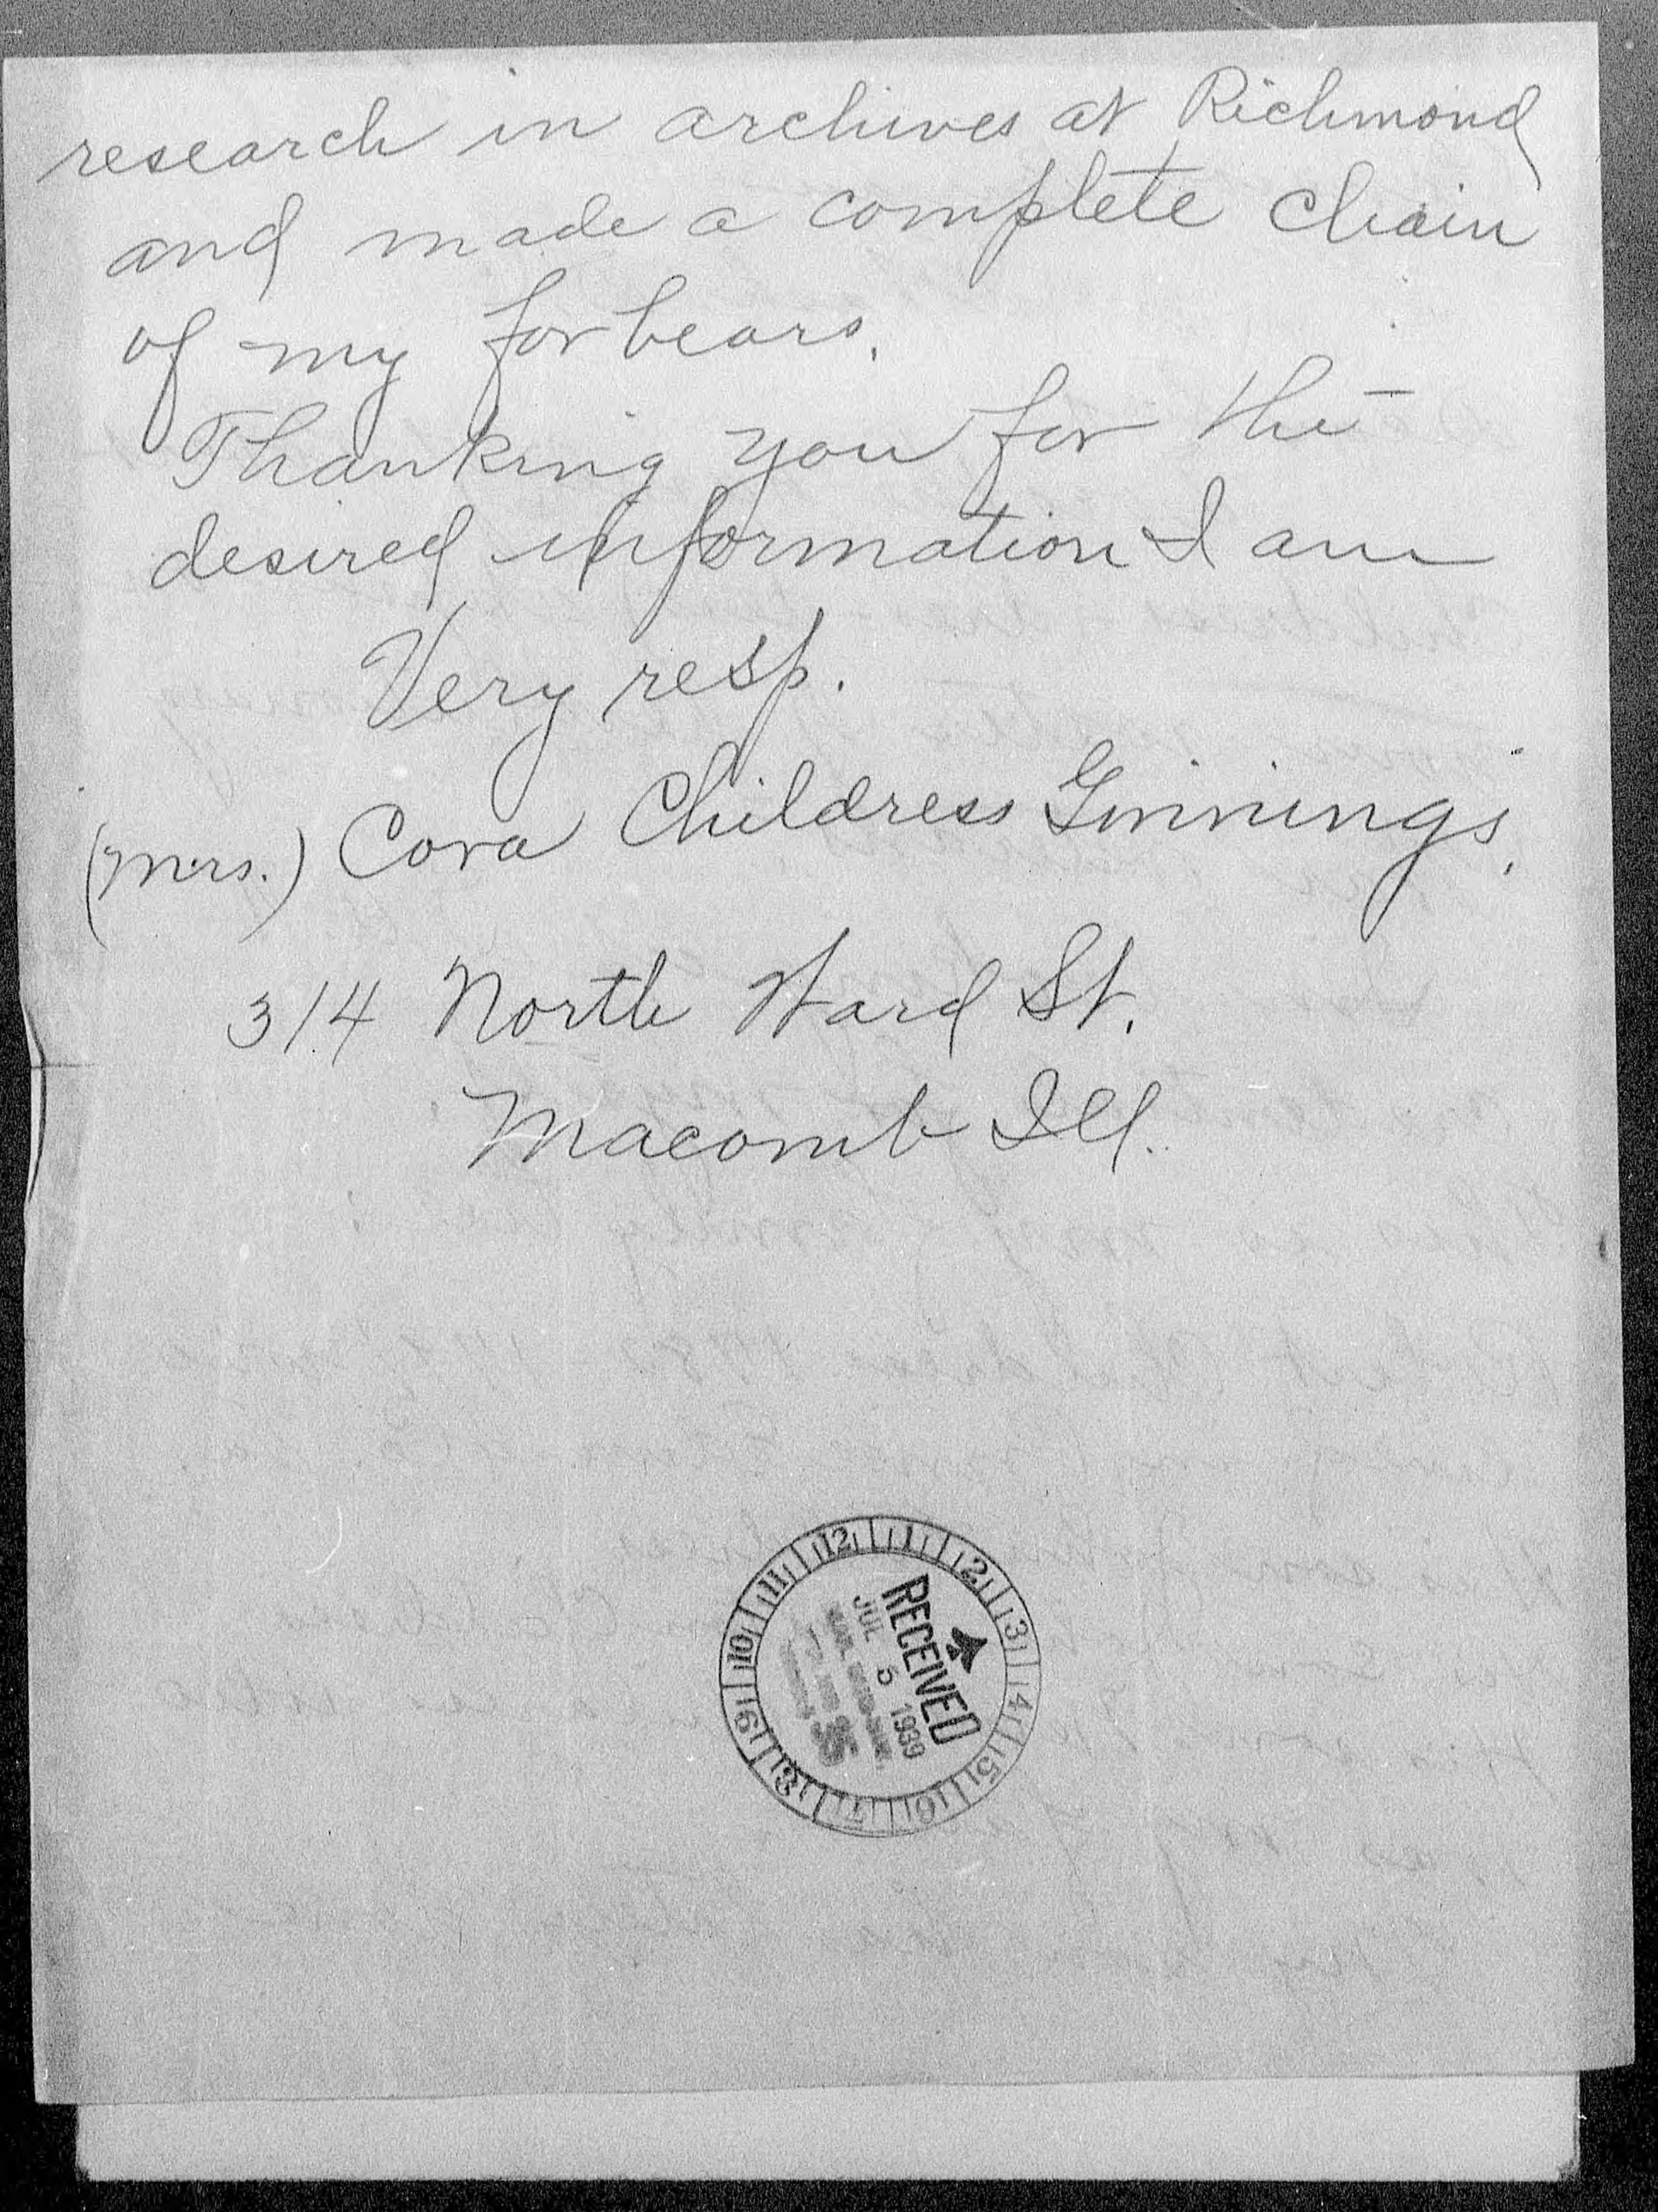Research in archives at Richmond and made a complete chain of my forbears. 
Thanking you for the desired information I am very resp[illegible].
(Mrs.) Cora Childress Gennings. 
314 North Ward St. 
Macomb [illegible]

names: Cora Childress Ginnings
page: 22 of 25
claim: rejected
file: R. 1929, Robert Childress, Va